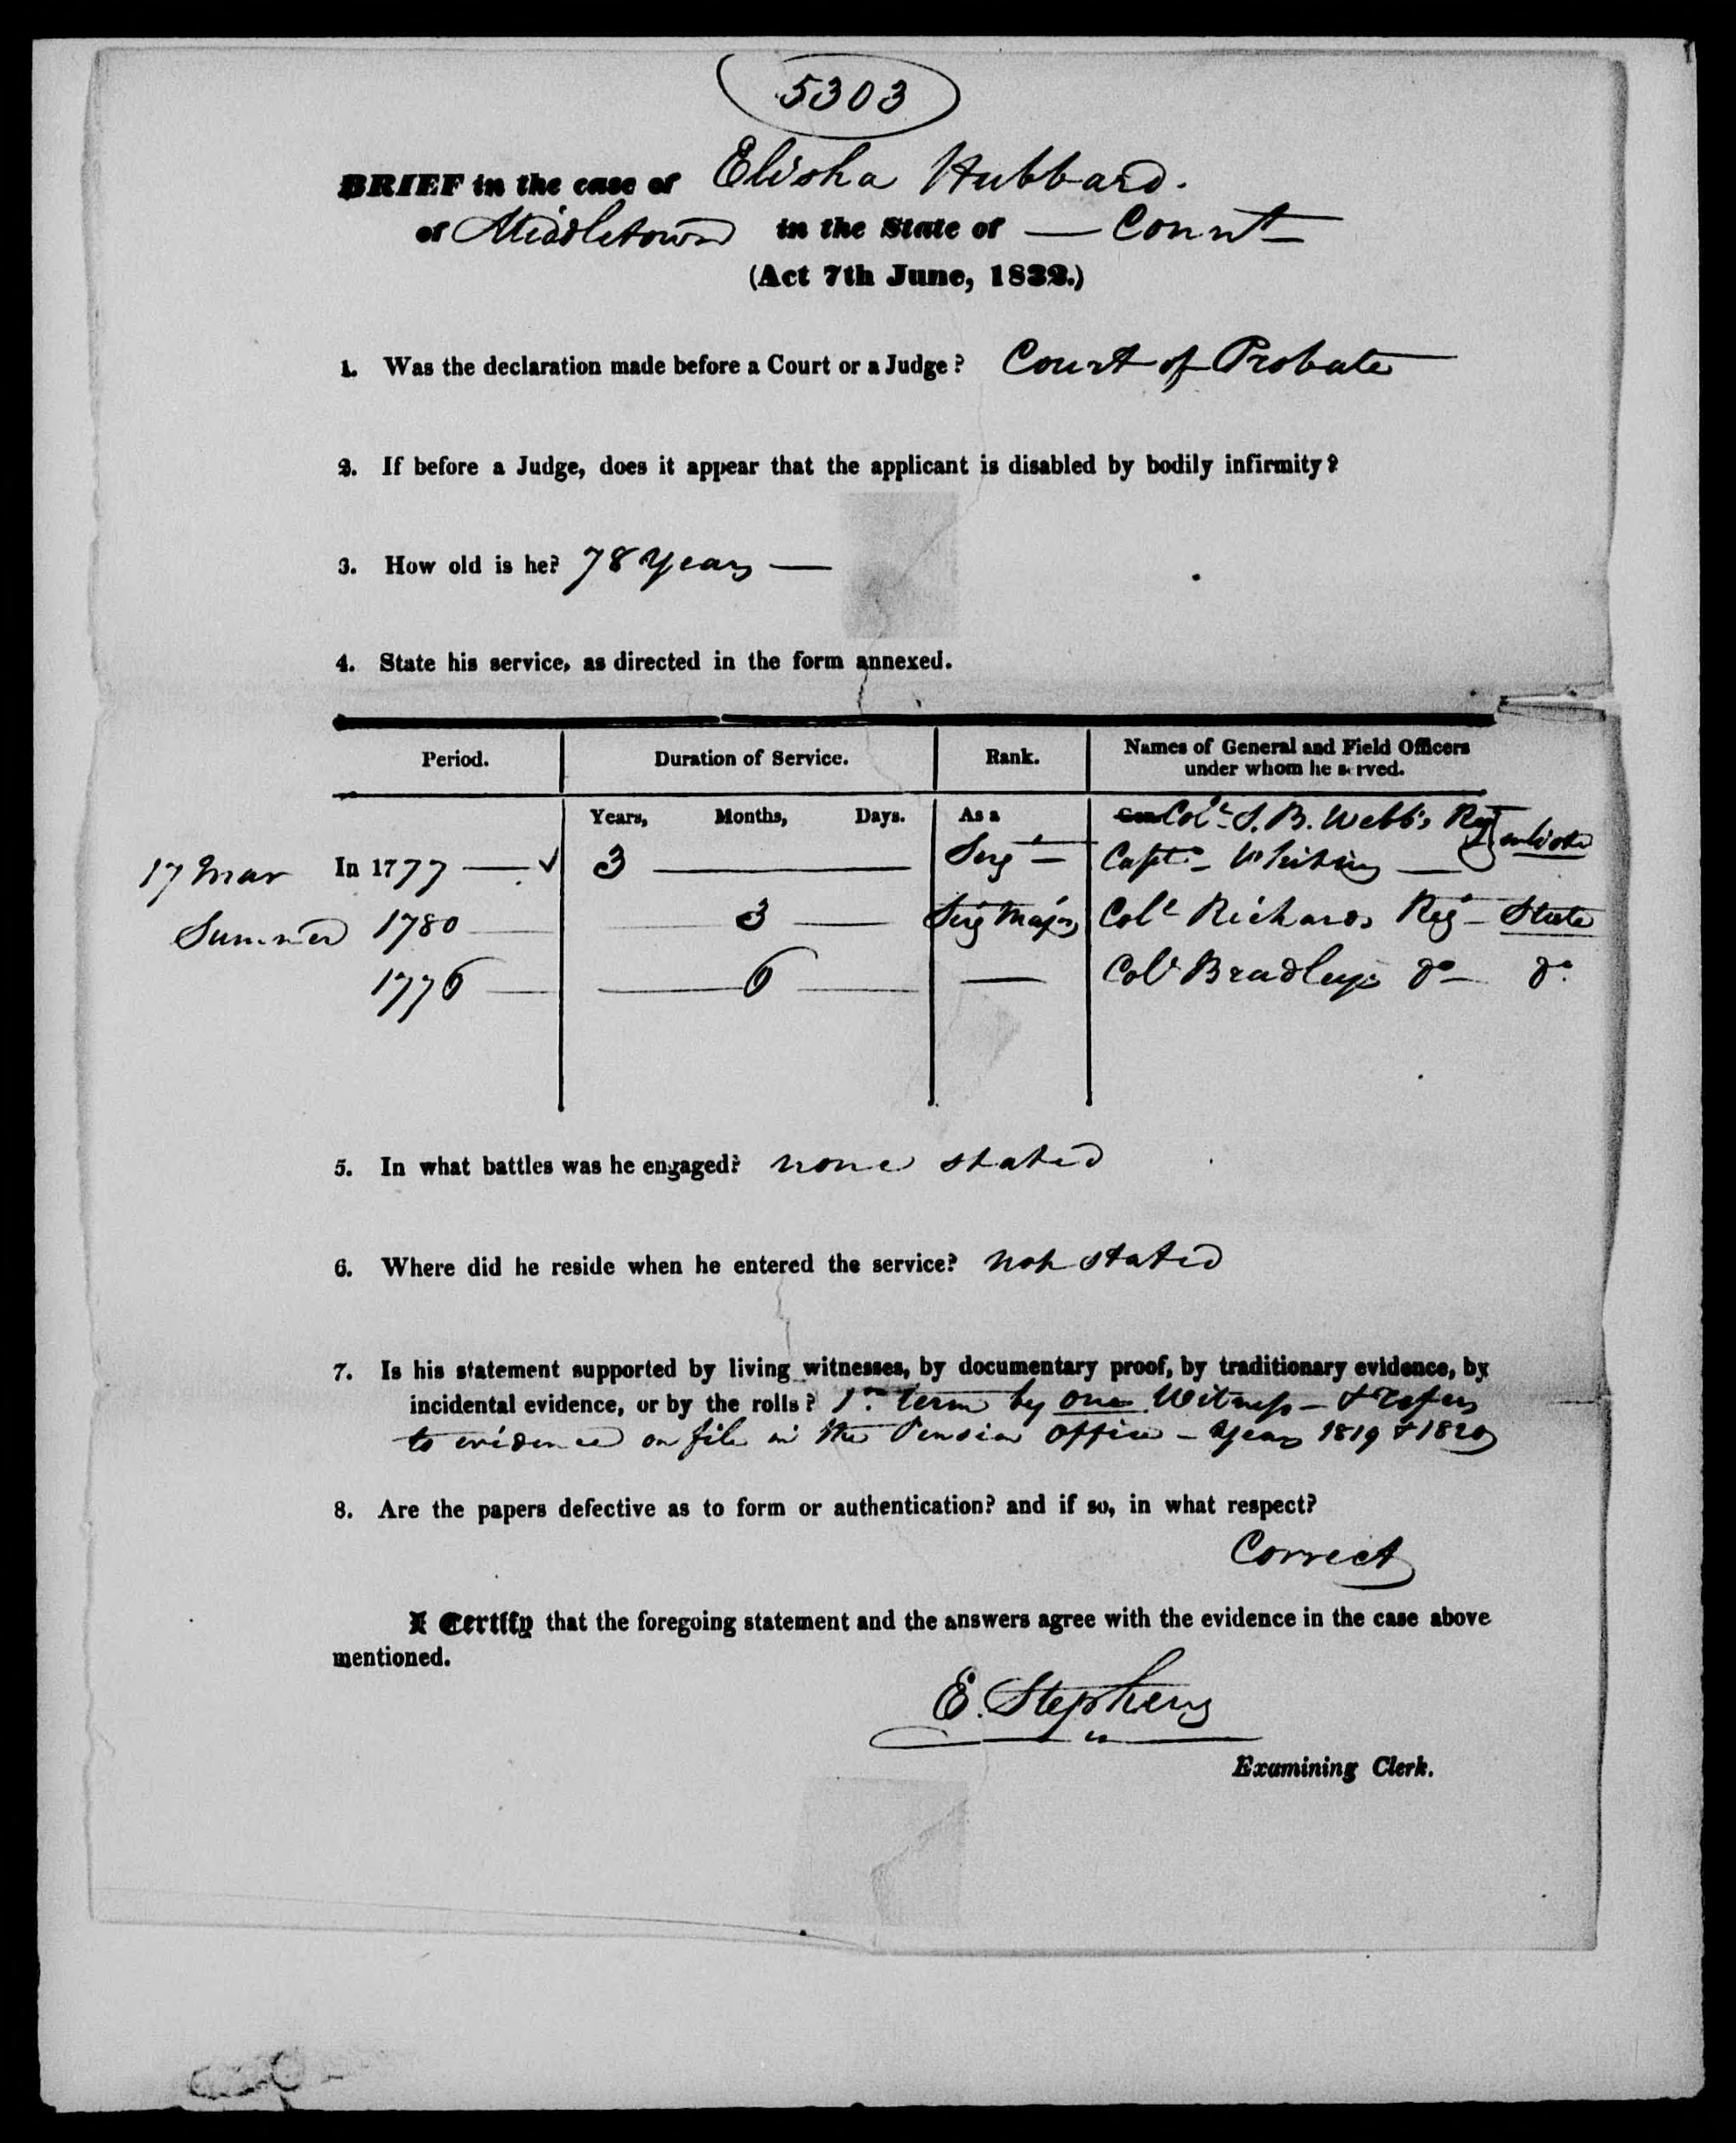5303

BRIEF in the case of Elisha Hubbard of Middletown in the State of Connt
(Act 7th June 1832.)

1. Was the declaration made before a Court or a Judge?  Court of Probate
2. If before a Judge, does it appear that the applicant is disabled by bodily infirmity?
3. How old is he?  78 years - 
4. State his service, as directed in the form annexed.
Period.  17 Mar In 1777   Duration of Service   3 years   Rank.  As a Srg   Name of General and field Officers Col J. B. Webb's Reg Capt Whiting
Period. Summer 1780  Duration of Service.  3 months  Rank Srg Major  Name of General and Field Officers Col Richards Reg - State
Period.  1776   Duration of Service.  6 months  Rank ____  Names of General Field Officers Col Bradley Co

5. In what battles was he engaged?  none shared
6. Where did he reside when he entered the service?  not stated
7.Is his statement supported y living witnesses, by documentary proof, by traditionary evidence, by incidental evidence, or by the roll?  1st term by one Witness --and papers to evidence on file in the Pension Office  - years 1819 and 1820
8. Are the papers defective as to form or authentication?  and if so, in what respect?  Correct

I Certify that the foregoing statement and the answers agree with the evidence in the case above mentioned.

E. Stephens
Examining Clerk.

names: Whiting, Bradley, E Stephens, Elisha Hubbard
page: 5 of 63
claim: survivor's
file: S. 18457, Elisha Hubbard, Conn. Continental